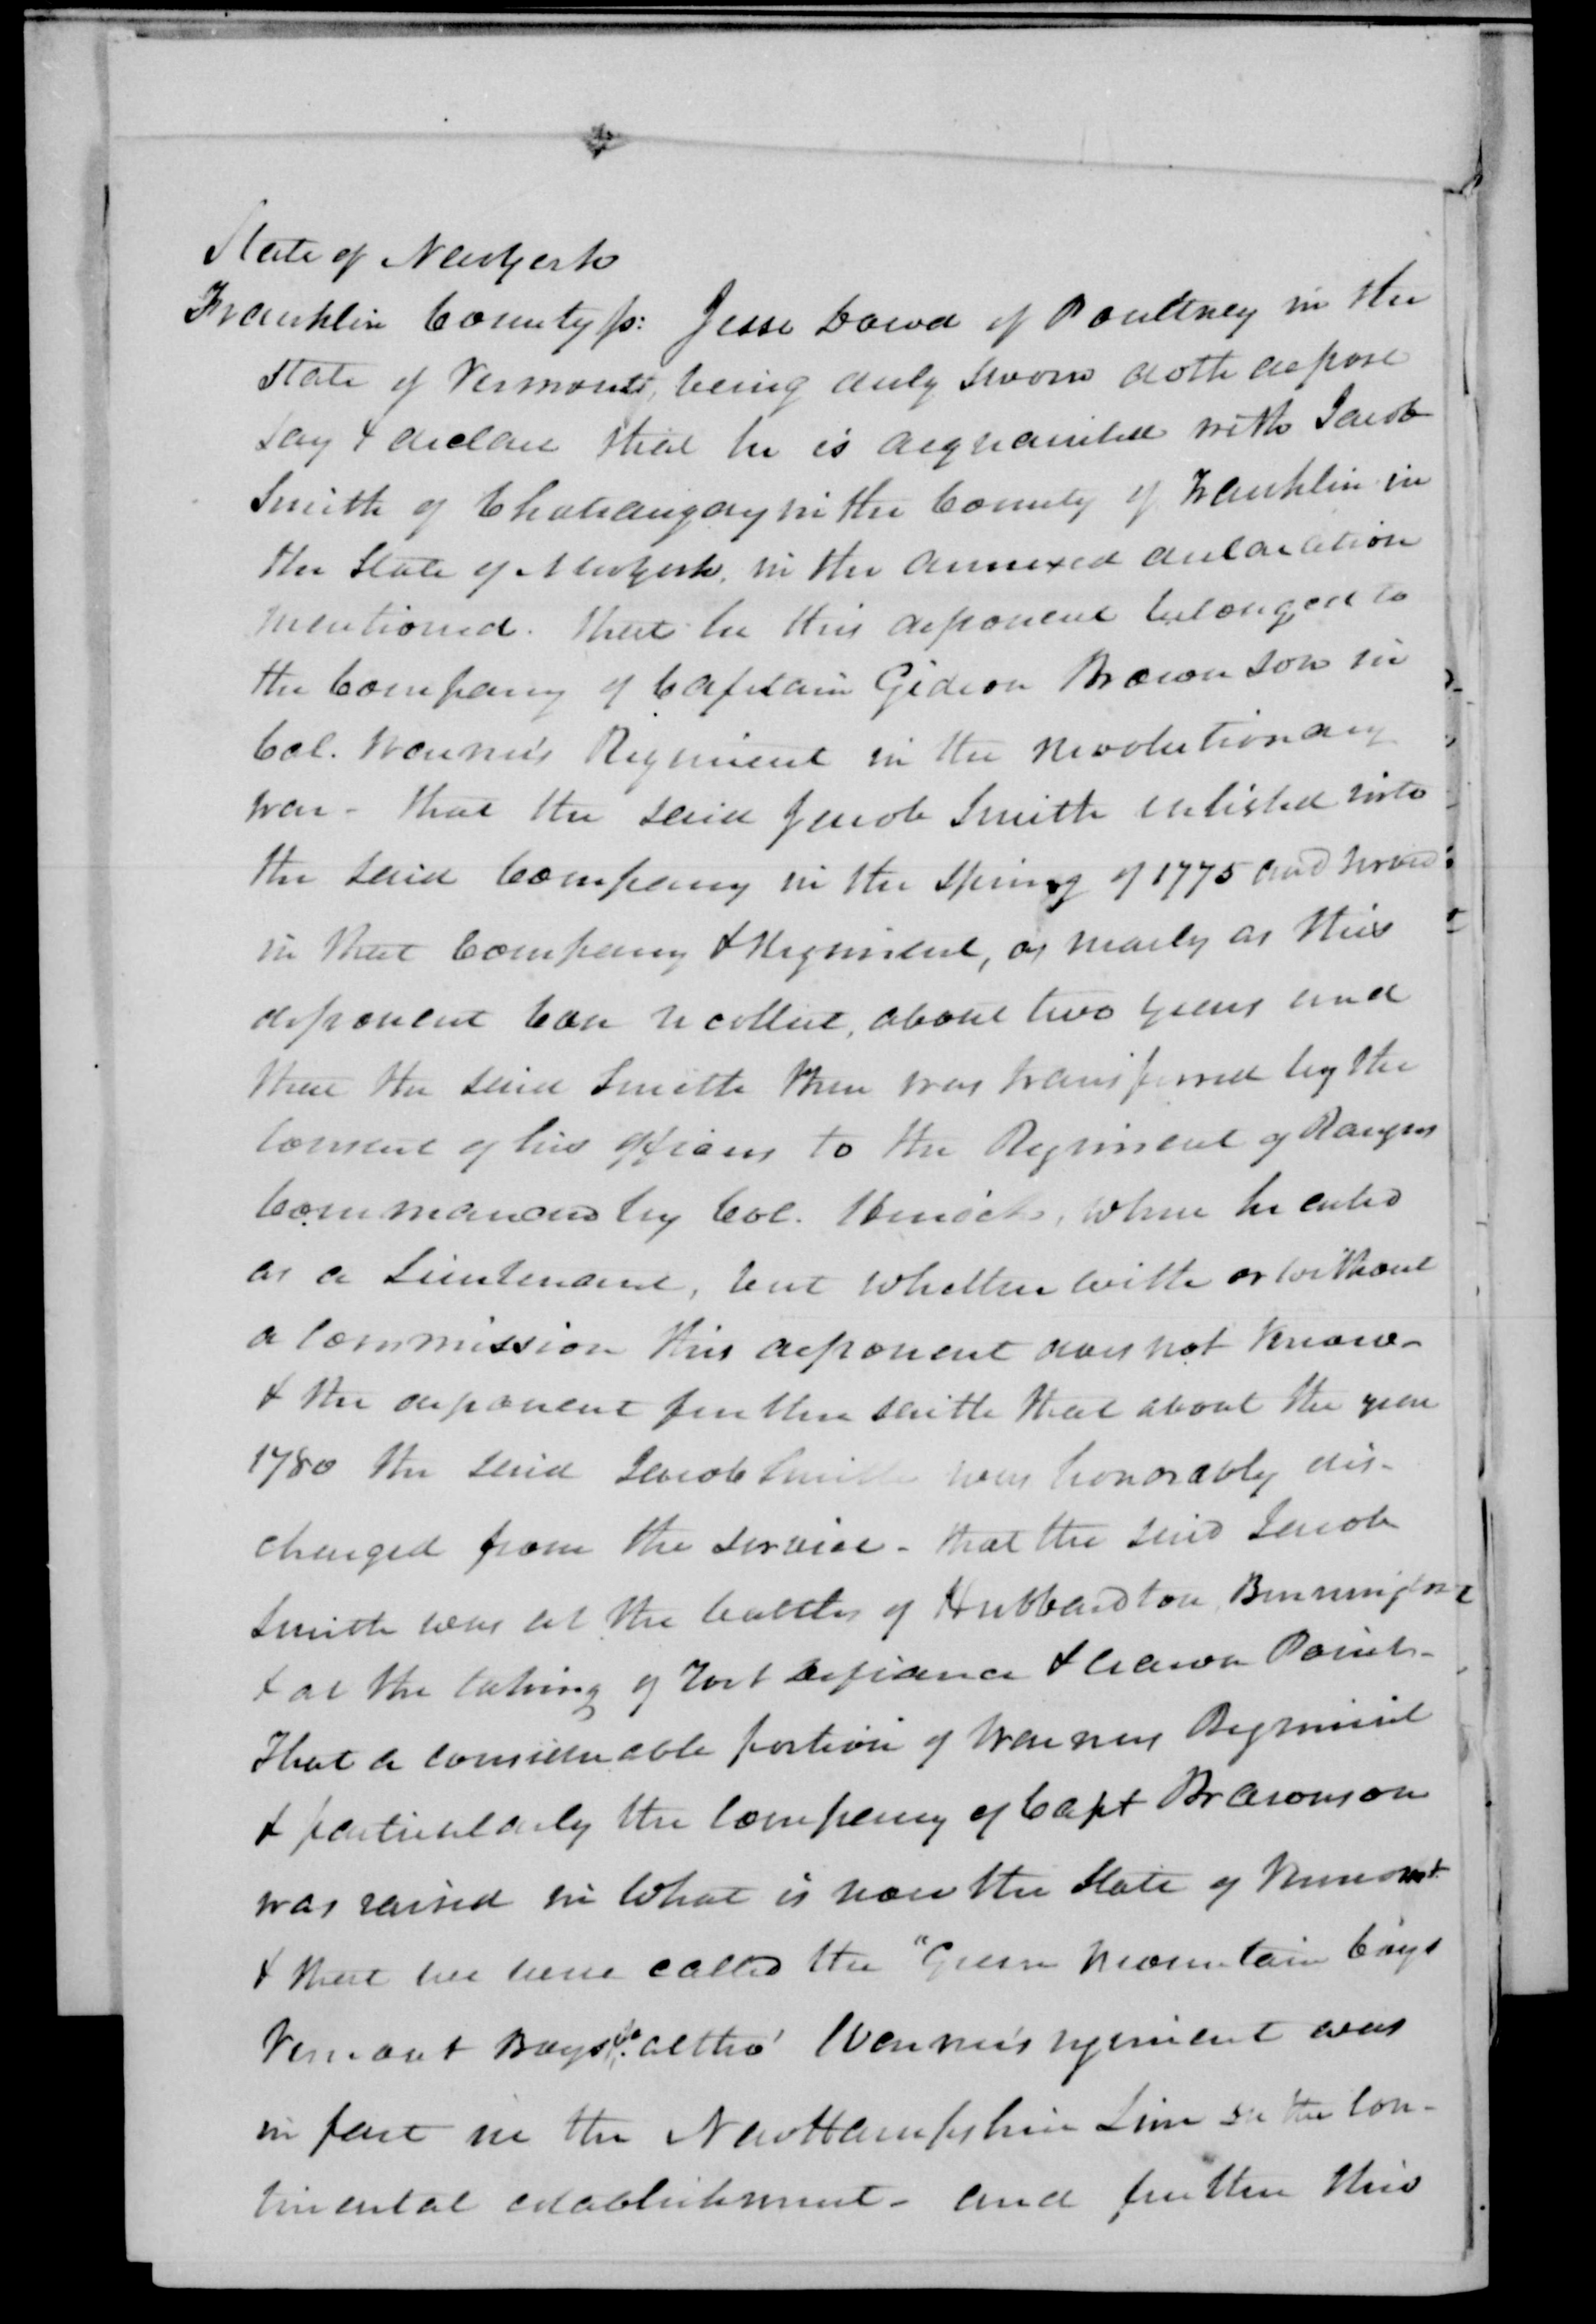State of New York
Franklin County ss: Jesse Dawd of Poultney in the State of Vermont being duly sworn doth depose say and declare that he is acquainted with Jacob Smith of Chateaugay in the County of Franklin in the State of New York, in the annexed declaration mentioned. That he this deponent belonged to the Company of Gideon Brownson in Col. Warner's Regiment in the Revolutionary  War - that the said Jacob Smith enlisted into the said Company in the spring of 1775 and served in that Company & Registered, as nearly as this deponent can recollect, about two years and there the said Smith then was transferred by the consent of his officers to the Regiment of Rangers Commanded by Col. Herrick, where he ented as a Lieutenant, but  whether with or without a commission this deponent does not know & the deponent further saith that about the year 1780 said Jacob Smith was honorably discharged from the service. that the said Jacob Smith was at the battles of Hubbardton, Bennington & at the taking of Fort Defiance & Crown Point_ That a considerable portion of Warners Regiment & particularly the Company of Capt. Brownson was raised in what is now the State of Vermont & that we were called the "Green Mountain boys Vermont Boys". Altho' Werner's regiment was in fact in the New Hampshire Line in the Continental establishment_ and further this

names: [BLANK] Herrick; Jesse Dowd; Jacob Smith; Gideon Brownson; [BLANK] Brownson; Jacob Smith; Jacob Smith; [BLANK] Smith; Jacob Smith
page: 8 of 15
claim: survivor's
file: S. 43157, for Jacob Smith, Vermont